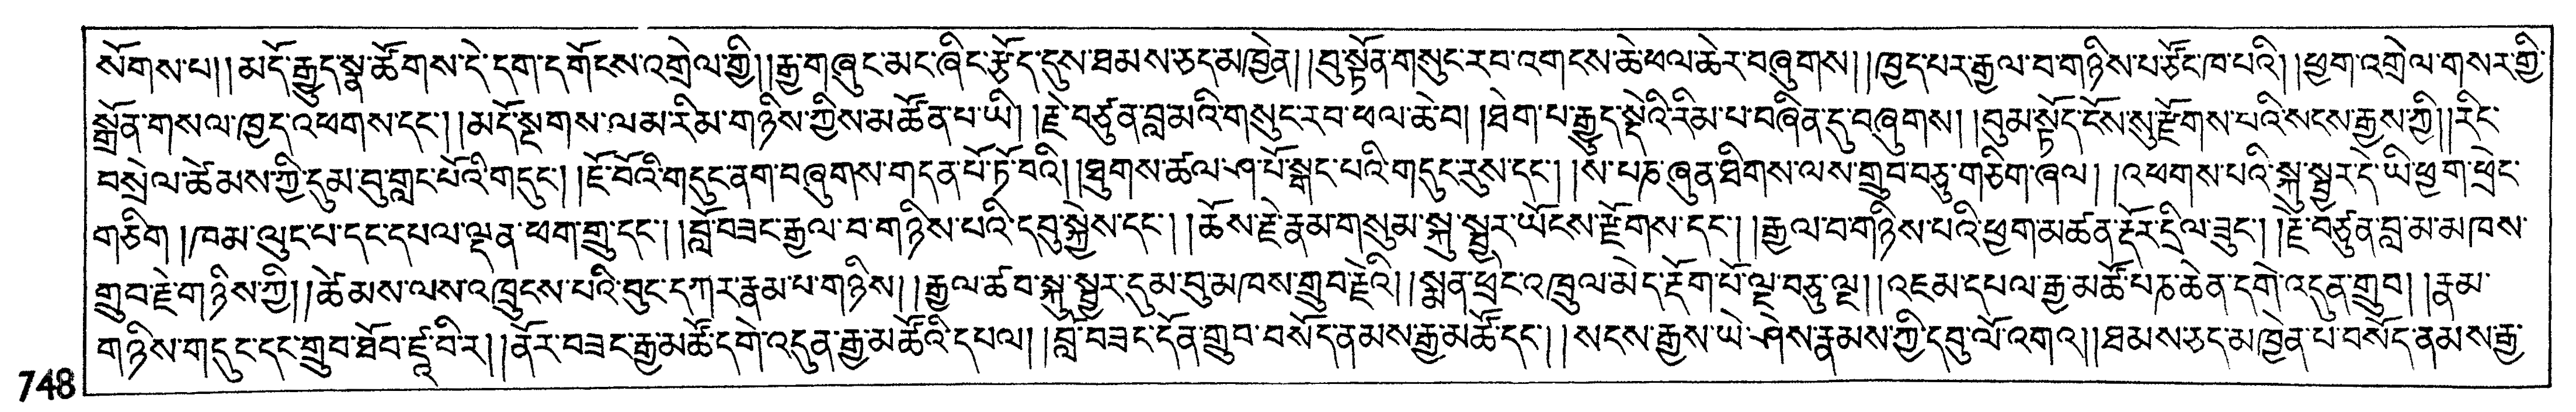སོགས་པ། །མདོ་རྒྱུད་སྣ་ཚོགས་དེ་དག་དགོངས་འགྲེལ་གྱི། །རྒྱ་གཞུང་མང་ཞིང་རྩོད་དུས་ཐམས་ཅད་མཁྱེན། །བུ་སྟོན་གསུང་རབ་འགངས་ཆེ་ཕལ་ཆེར་བཞུགས། །ཁྱད་པར་རྒྱལ་བ་གཉིས་པ་ཙོང་ཁ་པའི། །ཕྱག་འགྲེལ་གསར་གྱི་
སྒྲོན་གསལ་ཁྱད་འཕགས་དང་། །མདོ་སྔགས་ལམ་རིམ་གཉིས་ཀྱིས་མཚོན་པ་ཡི། །རྗེ་བཙུན་བླ་མའི་གསུང་རབ་ཕལ་ཆེ་བ། །ཐེག་པ་རྒྱུད་སྡེའི་རིམ་པ་བཞིན་དུ་བཞུགས། །བུམ་སྟོད་ངོས་སུ་རྫོགས་པའི་སངས་རྒྱས་ཀྱི། །རིང་
བསྲེལ་ཚེམས་ཀྱི་དུམ་བུ་གླང་པོའི་གདུང་། །ཇོ་བོའི་གདུང་ནག་བཞུགས་གདན་པོ་ཏོ་བའི། །ཐུགས་ཚལ་ཤ་པོ་སྒང་པའི་གདུང་རུས་དང་། །ས་པཎ་ཞུན་ཐིགས་ལས་གྲུབ་བཅུ་གཅིག་ཞལ། །འཕགས་པའི་སྐུ་སྦྱར་དེ་ཡི་ཕྱག་ཕྲེང་
གཅིག །ཁམ་ལུང་པ་དང་དཔལ་ལྡན་ཕག་གྲུ་དང་། །བློ་བཟང་རྒྱལ་བ་གཉིས་པའི་དབུ་སྐྱེས་དང་། །ཆོས་རྗེ་རྣམ་གསུམ་སྐུ་སྦྱར་ཡོངས་རྫོགས་དང་། །རྒྱལ་བ་གཉིས་པའི་ཕྱག་མཚན་རྡོར་དྲིལ་ཟུང་། །རྗེ་བཙུན་བླ་མ་མཁས་
གྲུབ་རྗེ་གཉིས་ཀྱི། །ཚེམས་ལས་འཁྲུངས་པའི་བུང་དཀར་རྣམ་པ་གཉིས། །རྒྱལ་ཚབ་སྐུ་སྦྱར་དུམ་བུ་མཁས་གྲུབ་རྗེའི། །སྨན་ཕྲེང་འཁྲུལ་མེད་རྡོག་པོ་ལྔ་བཅུ་ལྔ། །འཇམ་དཔལ་རྒྱ་མཚོ་པཎ་ཆེན་དགེ་འདུན་གྲུབ། །རྣམ་
གཉིས་གདུང་དང་གྲུབ་ཐོབ་ཛཱ་བི་ར། །ནོར་བཟང་རྒྱ་མཚོ་དགེ་འདུན་རྒྱ་མཚོའི་དཔལ། །བློ་བཟང་དོན་གྲུབ་བསོད་ནམས་རྒྱ་མཚོ་དང་། །སངས་རྒྱས་ཡེ་ཤེས་རྣམས་ཀྱི་དབུ་ལོ་འགའ། །ཐམས་ཅད་མཁྱེན་པ་བསོད་ནམས་རྒྱ་